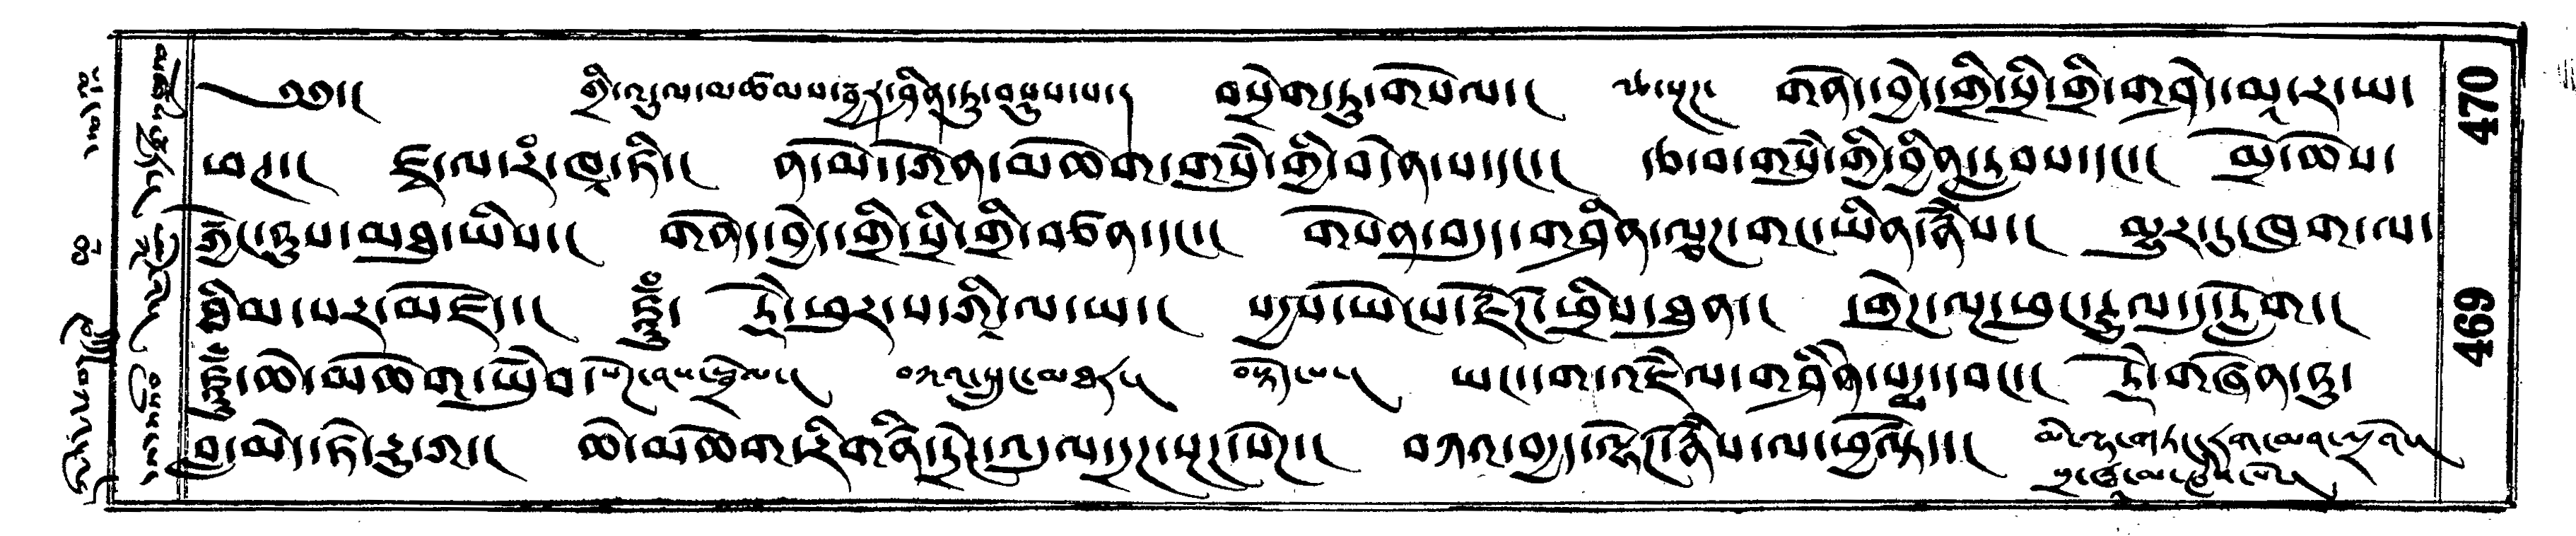༄༅། གྲི་འདུལ་མཚམས་སྦྱོར་ཤིན་ཏུ་བསྡུས་པ། བསྲེག་ཏུ་གསོལ། རྩ་སྔགས། གནོད་བྱེད་གྲི་སྲི་གྲི་གཤེད་མཱ་ར་ཡ་
ཕཊཿ ཛྭ་ལ་རཾ་ཁཱ་ཧི། ན་མོ། དཀོན་མཆོག་གསུམ་གྱི་བདེན་པ་དང་། །རྩ་བ་གསུམ་གྱི་བྱིན་རླབས་དང་། །མཁའ་འགྲོ་ཆོས་
སྐྱོང་ནུས་མཐུ་ཡིས། །གནོད་བྱེད་གྲི་སྲི་གྲི་བཙན་དང་། །གསོན་བདུད་གཤིན་ལྕགས་གང་ཡིན་རྣམས། །མྱུར་དུ་ཁུག་ལ་
ཐིམ་པར་མཛོད། ཧཱུྃ། རྡོ་རྗེ་ཕུར་པ་ཀཱི་ལ་ཡ། །སངས་རྒྱས་ཡོངས་རྫོགས་ཕྲིན་ལས་ཐུན། །དགྲ་བགེགས་ལྔ་ཕུང་རྡུལ་དུ་རློག 
ཧཱུྃ་ཆེ་མཆོག་ཡབ་ཡུམ་སོགས་ནས་སྦྲེལ། བཀའ་སྲུང་མཐར། བསྟོད་པ། ཡང་དག་འཇམ་དཔལ་གཤིན་རྗེ་པདྨ་དབང་། །རྡོ་རྗེ་གཞོན་ནུ་
བླ་མེད་ཧེ་རུ་ཀ །ཆེ་མཆོག་རིག་འཛིན་དྲེགས་འདུལ་དྲག་སྔགས་སོགས། །བཀའ་བརྒྱད་ལྷ་ཚོགས་རྣམས་ལ་ཕྱག་འཚལ་བསྟོད། མེ་ལྷ་གཏང་རག་མན་འདྲའོ།། པདྨ་མ་ཎིས་སོ།།